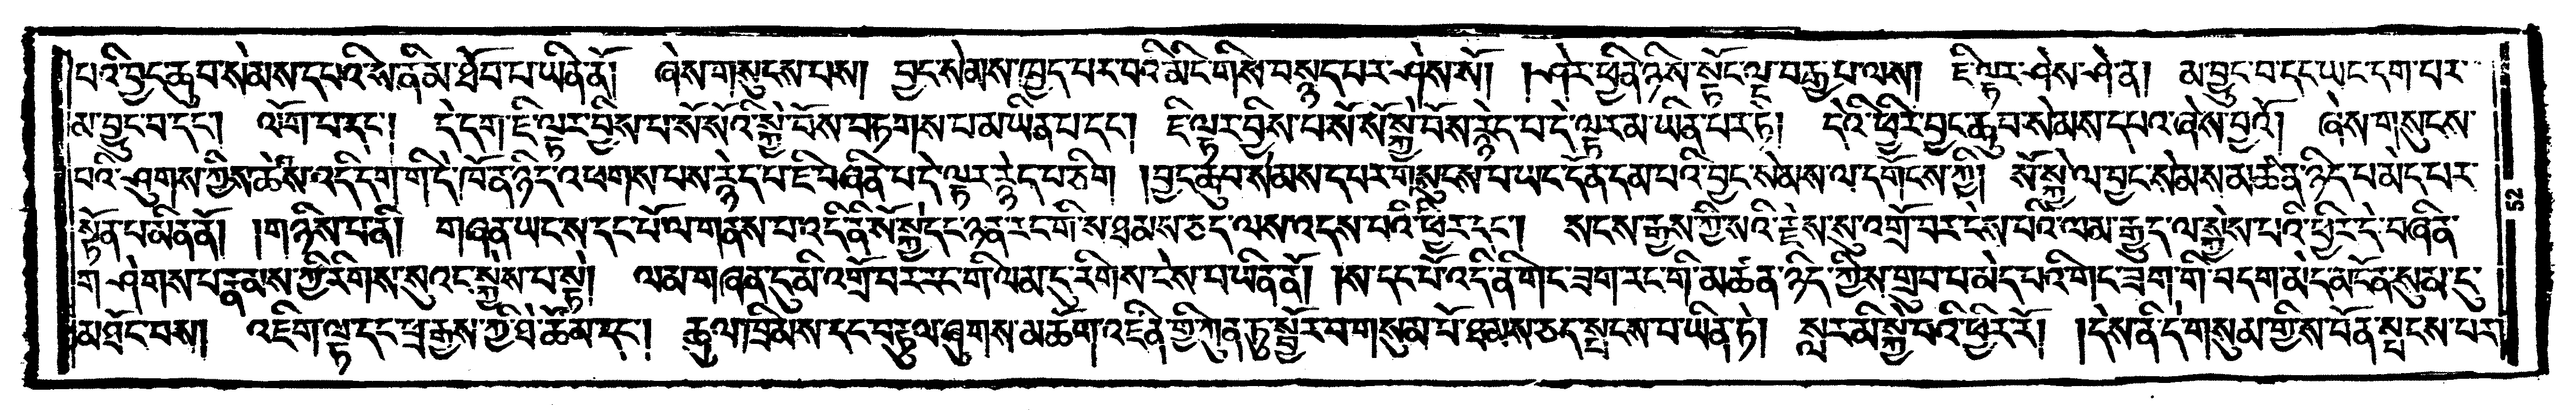པའི་བྱང་ཆུབ་སེམས་དཔའི་ས་ནི་མ་ཐོབ་པ་ཡིན་ནོ། ཞེས་གསུངས་པས། བྱང་སེམས་ཁྱད་པར་བའི་མིང་གིས་བསྙད་པར་ཤེས་སོ། །ཤེར་ཕྱིན་ཉིས་སྟོང་ལྔ་བརྒྱ་པ་ལས། ཇི་ལྟར་ཤེས་ཤེ་ན། མ་བྱུང་བ་དང་ཡང་དག་པར་
མ་བྱུང་བ་དང་། ལོག་པ་དང་། དེ་དག་ཇི་ལྟར་བྱིས་པ་སོ་སོའི་སྐྱེ་བོས་བཏགས་པ་མ་ཡིན་པ་དང་། ཇི་ལྟར་བྱིས་པ་སོ་སོ་སྐྱེ་བོས་རྙེད་པ་དེ་ལྟར་མ་ཡིན་པར་ཏེ། དེའི་ཕྱིར་བྱང་ཆུབ་སེམས་དཔའ་ཞེས་བྱའོ། ཞེས་གསུངས་
པའི་ཤུགས་ཀྱིས་ཆོས་འདི་དག་གི་དེ་ཁོ་ན་ཉིད་འཕགས་པས་རྙེད་པ་ཇི་བཞིན་པ་དེ་ལྟར་རྙེད་པ་ཅིག །བྱང་ཆུབ་སེམས་དཔར་གསུངས་པ་ཡང་དོན་དམ་པའི་བྱང་སེམས་ལ་དགོངས་ཀྱི། སོ་སྐྱེ་ལ་བྱང་སེམས་མཚན་ཉིད་པ་མེད་པར་
སྟོན་པ་མིན་ནོ། །གཉིས་པ་ནི། གཞན་ཡང་ས་དང་པོ་ལ་གནས་པ་འདི་ནི་སོ་སྐྱེ་དང་ཉན་རང་གི་ས་ཐམས་ཅད་ལས་འདས་པའི་ཕྱིར་དང་། སངས་རྒྱས་ཀྱི་སའི་རྗེས་སུ་འགྲོ་བར་ངེས་པའི་ལམ་རྒྱུད་ལ་སྐྱེས་པའི་ཕྱིར་དེ་བཞིན་
གཤེགས་པ་རྣམས་ཀྱིས་རིགས་སུའང་སྐྱེས་པ་སྟེ། ལམ་གཞན་དུ་མི་འགྲོ་བར་རང་གི་ལམ་དུ་རིགས་ངེས་པ་ཡིན་ནོ། །ས་དང་པོ་འདི་ནི་གང་ཟག་རང་གི་མཚན་ཉིད་ཀྱིས་གྲུབ་པ་མེད་པའི་གང་ཟག་གི་བདག་མེད་མངོན་སུམ་དུ་
མཐོང་བས། འཇིག་ལྟ་དང་ཕྲ་རྒྱས་ཀྱི་ཐེ་ཚོམ་དང་། ཚུལ་ཁྲིམས་དང་བརྟུལ་ཞུགས་མཆོག་འཛིན་གྱི་ཀུན་ཏུ་སྦྱོར་བ་གསུམ་པོ་ཐམས་ཅད་སྤངས་པ་ཡིན་ཏེ། སླར་མི་སྐྱེ་བའི་ཕྱིར་རོ། །དེས་ནི་དེ་གསུམ་གྱི་ས་བོན་སྤངས་པར་